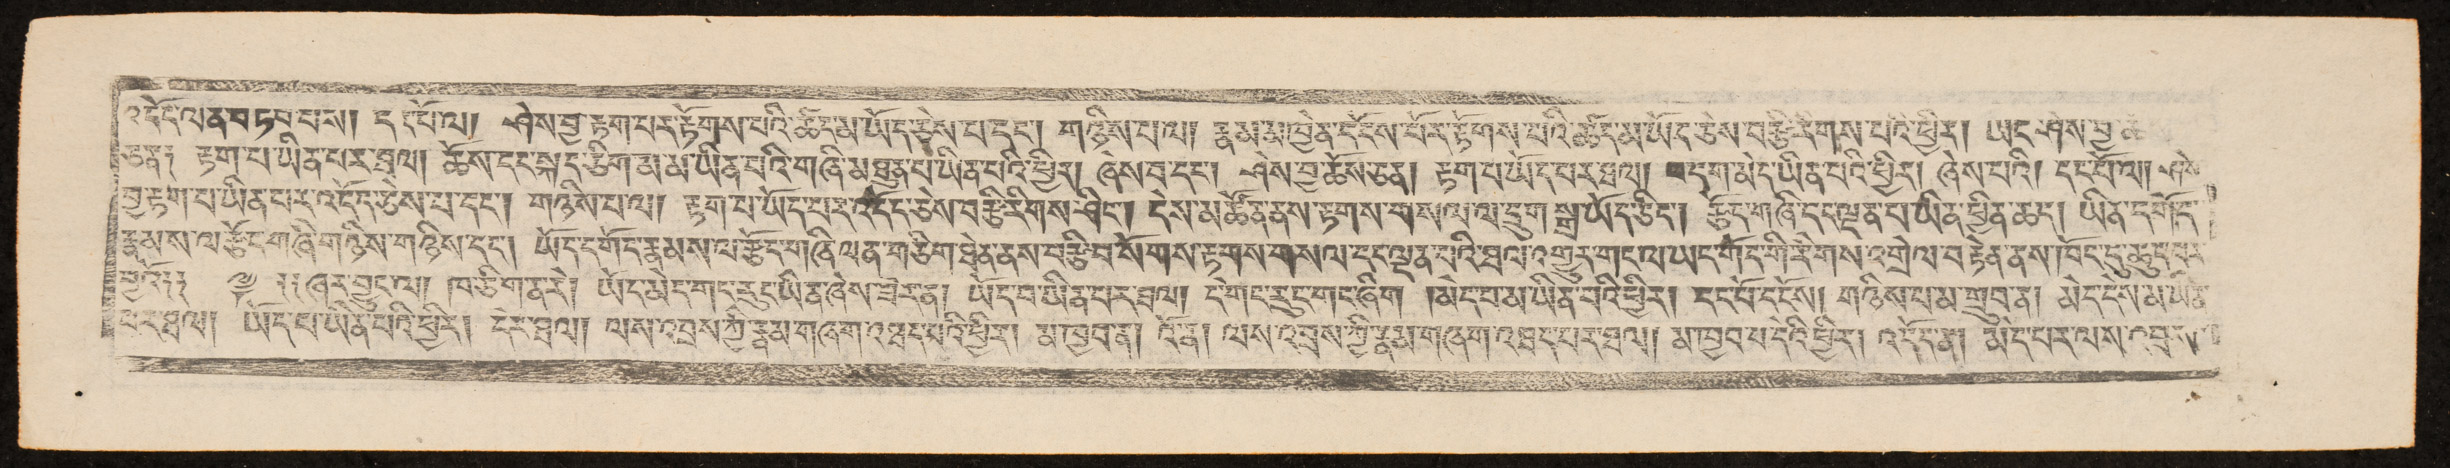འདོད་ལན་བཏབ་པས། དང་པོ་ལ། ཤེས་བྱ་རྟག་པར་རྟོགས་པའི་ཚད་མ་ཡོད་ཅེས་པ་དང་། གཉིས་པ་ལ། རྣམ་མཁྱེན་དངོས་པོར་རྟོགས་པའི་ཚད་མ་ཡོད་ཅེས་བརྩི་རིགས་པའི་ཕྱིར། ཡང་ཤེས་བྱ་ཆོས་
ཅན། རྟག་པ་ཡིན་པར་ཐལ། ཆོས་དང་སྐད་ཅིག་མ་མ་ཡིན་པའི་གཞི་མཐུན་པ་ཡིན་པའི་ཕྱིར། ཞེས་པ་དང་། ཤེས་བྱ་ཆོས་ཅན། རྟག་པ་ཡོད་པར་ཐལ། བདག་མེད་ཡིན་པའི་ཕྱིར། ཞེས་པའི། དང་པོ་ལ། ཤེས་
བྱ་རྟག་པ་ཡིན་པར་འདོད་ཅེས་པ་དང་། གཉིས་པ་ལ། རྟག་པ་ཡོད་པར་འདོད་ཅེས་བརྩི་རིགས་ཤིང་། དེས་མཚོན་ནས་རྟགས་གསལ་ལ་དྲུག་སྒྲ་ཡོད་ཅིང་། རྩོད་གཞི་དང་ལྡན་པ་ཡིན་ཕྱིན་ཆད། ཡིན་དགོད་
རྣམས་ལ་རྩོད་གཞི་གཉིས་གཉིས་དང་། ཡོད་དགོང་རྣམས་ལ་རྩོད་གཞི་ལན་གཅིག་ཐེན་ནས་བརྩི་བ་སོགས་རྟགས་གསལ་དང་ལྡན་པའི་ཐལ་འགྱུར་གང་ལ་ཡང་གོང་གི་རིགས་འགྲེལ་བརྟེན་ནས་ཁོང་དུ་ཆུད་པར་
བྱའོ།། །།ཞར་བྱུང་ལ། ཁ་ཅིག་ན་རེ། ཡོད་མེད་གང་རུང་ཡིན་ཞེས་ཟེར་ན། ཡོད་པ་ཡིན་པར་ཐལ། དེ་གང་རུང་གང་ཞིག །མེད་པ་མ་ཡིན་པའི་ཕྱིར། དང་པོ་དངོས། གཉིས་པ་མ་གྲུབ་ན། མེད་ངེས་མ་ཡིན་
པར་ཐལ། ཡོད་པ་ཡིན་པའི་ཕྱིར། དེར་ཐལ། ལས་འབྲས་ཀྱི་རྣམ་གཞག་འཐད་པའི་ཕྱིར། མ་ཁྱབ་ན། འོ་ན། ལས་འབྲས་ཀྱི་རྣམ་གཞག་འཐད་པར་ཐལ། མ་ཁྱབ་པ་དེའི་ཕྱིར། འདོད་ན། མེད་པར་ལས་འབྲས་